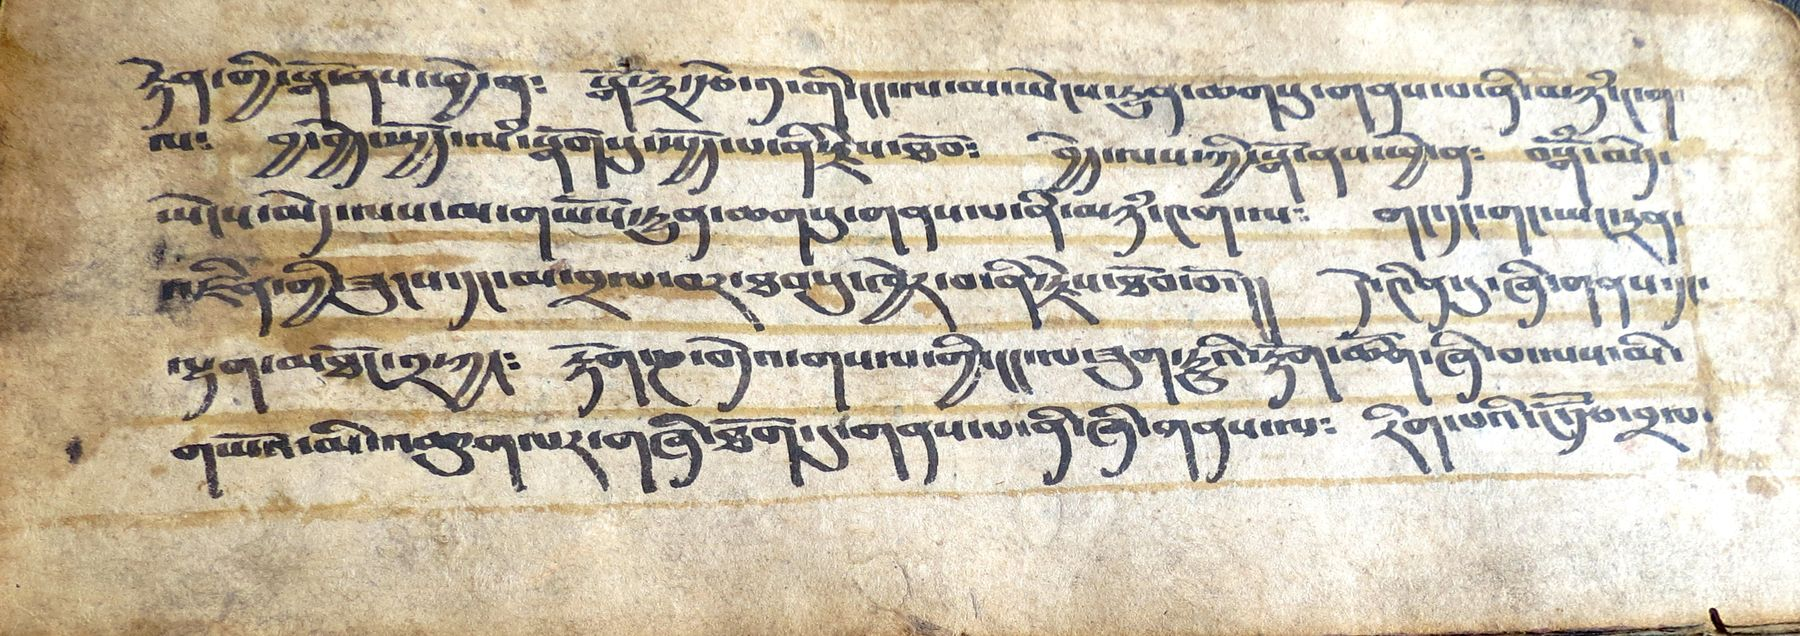རྟེན་གྱི་སྒོ་ནས་དབྱེ་ན། སྒོ་གསུམ་རྩེ་གཅིག་གི་ངང་ལ་མ་ཡེངས་རྒྱུན་ཆགས་སུ་གནས་པ་ནི་མཉམ་བཞག་
ལ། བྱ་བྱེད་སྤྱོད་ལ་སྣོག་དུ་སྤྱོད་པ་ནི་རྗས་ཐོབ། བྱེད་ལས་ཀྱི་སྒོ་ནས་ཕྱེ་ན་ བསྒོ་མེད་
ཡོངས་མེད་ལས་མ་གཡོས་རྒྱུན་ཆག་གསུམ་གནས་པ་ནི་མཉམ་གསལ་ གང་དང་གང་ཡང་དྲན་
འཛིན་གྱི་གཟུང་དང་མ་བྲལ་བར་ཐབས་སུ་ཁྱེར་བ་ནི་རྗེས་ཐོབ་བོ། དེ་བཞིན་དུ་ཞི་གནས་
ལྷག་མཐོང་གཉིས་ཀྱང་། རྟོག་མེད་བདེ་གསལ་གྱི་ངང་ལ། ཟུག་རྔུའི་རྟོག་ཚོགས་ཞི་བ་ལ། མི་
གཡོ་མི་འཆུག་པར་གནས་པ་ནི་ཞི་གནས་ལ། རིག་པའི་ངོ་བོ་རྩ་བྲལ་